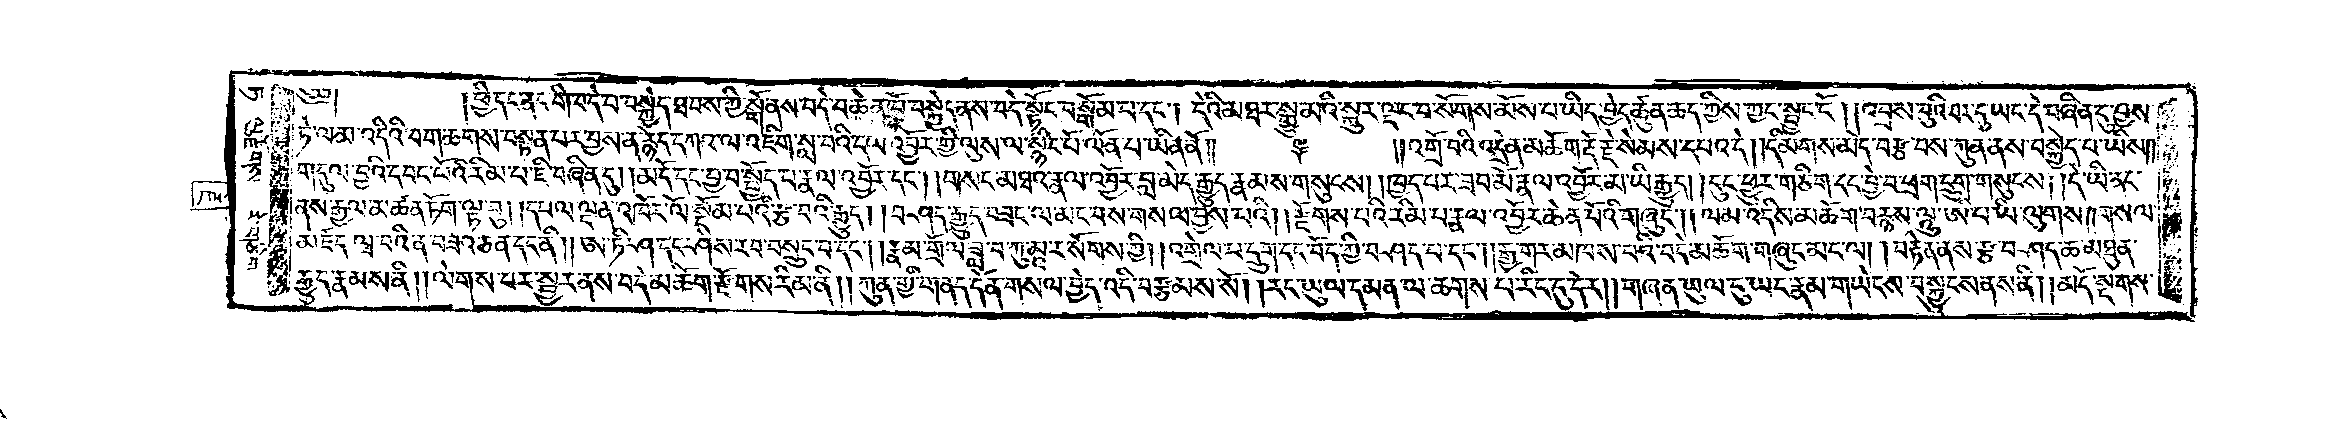༄༅། །ཕྱི་དང་ནང་གི་བདེ་བ་བསྐྱེད་ཐབས་ཀྱི་སྒོ་ནས་བདེ་བ་ཆེན་པོ་བསྐྱེད་ནས་བདེ་སྟོང་བསྒོམ་པ་དང་། དེའི་མཐར་སྒྱུ་མའི་སྐུར་ལྡང་བ་སོགས་མོས་པ་ཡིད་བྱེད་ཚུན་ཆད་ཀྱིས་ཀྱང་སྦྱང་ངོ། །འབྲས་བུའི་བར་དུ་ཡང་དེ་བཞིན་དུ་བྱས་
ཏེ་ལམ་འདིའི་བག་ཆགས་བསྟན་པར་བྱས་ན་རྙེད་དཀའ་ལ་འཇིག་སླ་བའི་དལ་འབྱོར་གྱི་ལུས་ལ་སྙིང་པོ་ལོན་པ་ཡིན་ནོ།། ༈ །།འགྲོ་བའི་འདྲེན་མཆོག་རྡོ་རྗེ་སེམས་དཔའ་དེ། །དམིགས་མེད་བརྩ་བས་ཀུན་ནས་བསྐྱོད་པ་ཡིས། །
གདུལ་བྱའི་དབང་པོའི་རིམ་པ་ཇི་བཞིན་དུ། །མདོ་དང་བྱ་བ་སྤྱོད་པ་རྣལ་འབྱོར་དང་། །གསང་མཐའ་རྣལ་འབྱོར་བླ་མེད་རྒྱུད་རྣམས་གསུངས། །ཁྱད་པར་ཟབ་མོ་རྣལ་འབྱོར་མ་ཡི་རྒྱུད། །དུང་ཕྱུར་གཅིག་དང་བྱེ་བ་ཕྲག་དྲུག་གསུངས། །དེ་ཡི་ནང་
ནས་རྒྱལ་མཚན་ཏོག་ལྟ་བུ། །དཔལ་ལྡན་འཁོར་ལོ་སྡོམ་པའི་རྩ་བའི་རྒྱུད། །བཤད་རྒྱུད་བཟང་ལ་མང་བས་གསལ་བྱས་པའི། །རྫོགས་པའི་རིམ་པ་རྣལ་འབྱོར་ཆེན་པོའི་གཞུང་། །ལམ་འདིས་མཆོག་བརྙས་ལཱུ་ཨི་པ་ཡི་ལུགས། །གསལ་
མཛད་ལྭ་བའི་ན་བཟའ་ཅན་དང་ནི། །ཨ་ཏི་ཤ་དང་ཤེས་རབ་བསྲུང་བ་དང་། །རྣམ་གྲོལ་ཟླ་བ་ཀུ་མཱ་ར་སོགས་ཀྱི། །འགྲེལ་པ་དྲུག་དང་བོད་ཀྱི་བཤད་པ་དང་། །རྒྱ་གར་མཁས་པའི་བདེ་མཆོག་གཞུང་མང་ལ། །བརྟེན་ནས་རྩ་བཤད་ཆ་མཐུན་
རྒྱུད་རྣམས་ནི། །ལེགས་པར་སྦྱར་ནས་བདེ་མཆོག་རྫོགས་རིམ་ནི། །ཀུན་གྱི་གནད་དོན་གསལ་བྱེད་འདི་བརྩམས་སོ། །རང་ཡུལ་དམན་ལ་ཆགས་པ་རིང་དུ་དེར། །གཞན་ཡུལ་དུ་ཡང་རྣམ་གཡེངས་བསྐྱུངས་ནས་ནི། །མདོ་སྔགས་